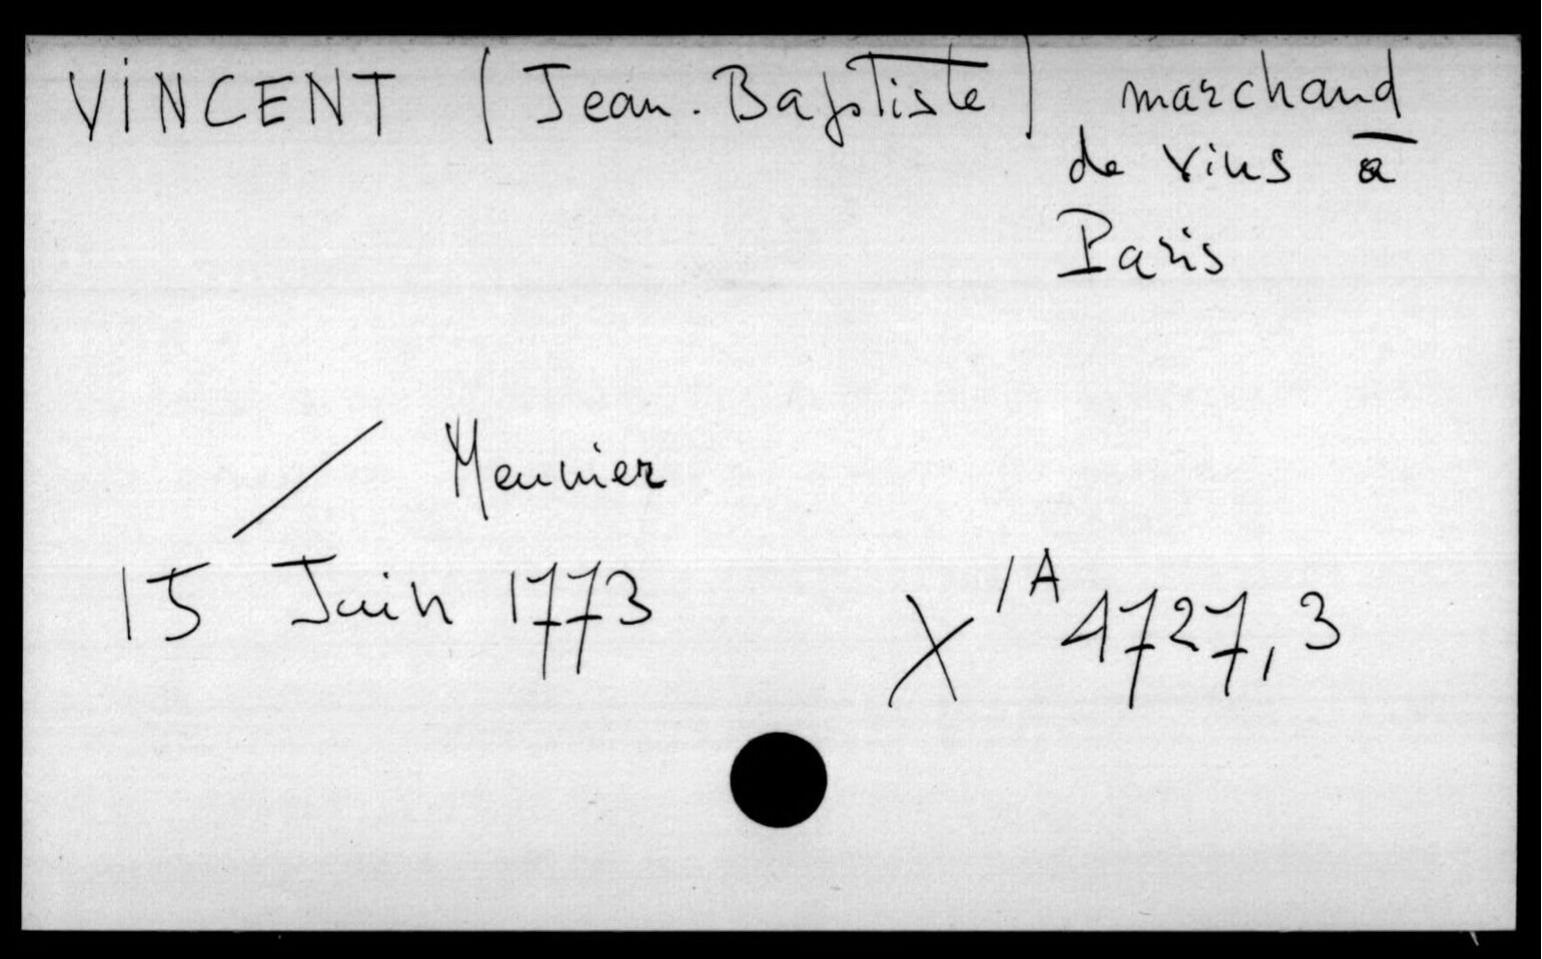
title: VINCENT (Jean-Baptiste) marchand de vins à Paris
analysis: Contre Meunier
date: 15 juin 1773
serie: X1A
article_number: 4727
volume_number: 3
